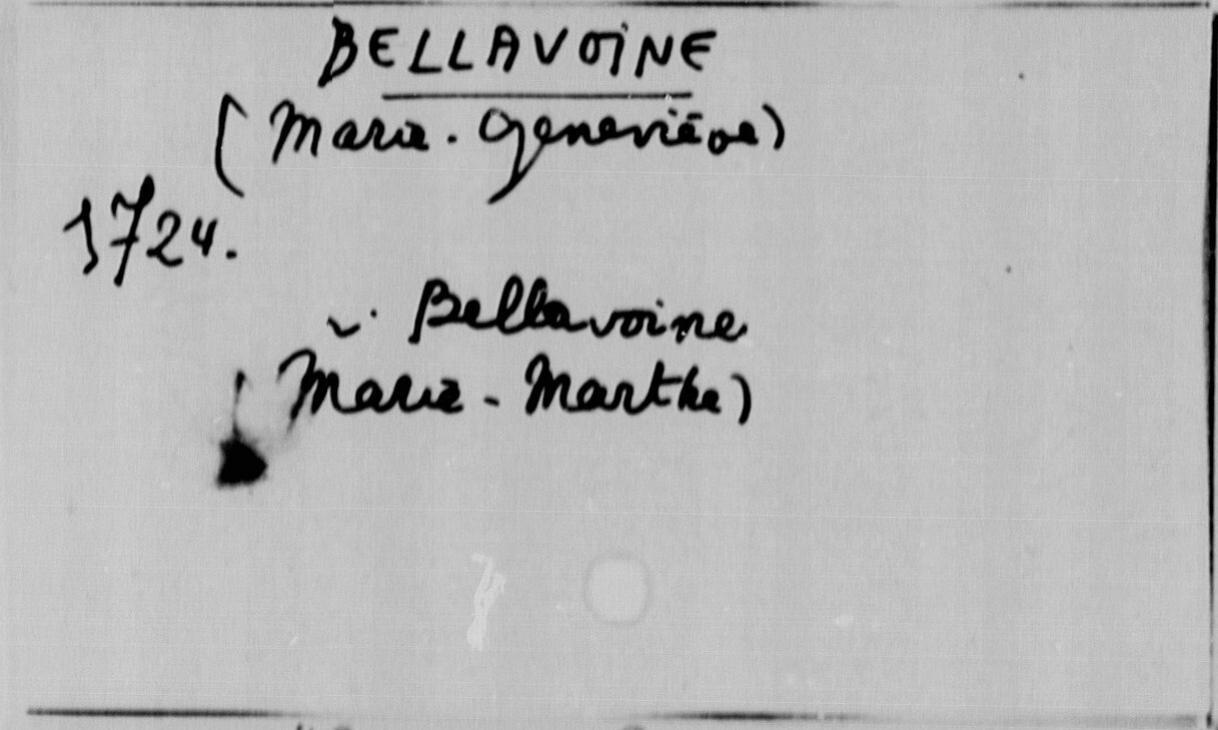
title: BELLAVOINE (Marie-Geneviève)
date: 1724
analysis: Voir BELLAVOINE (Marie-Marthe)
